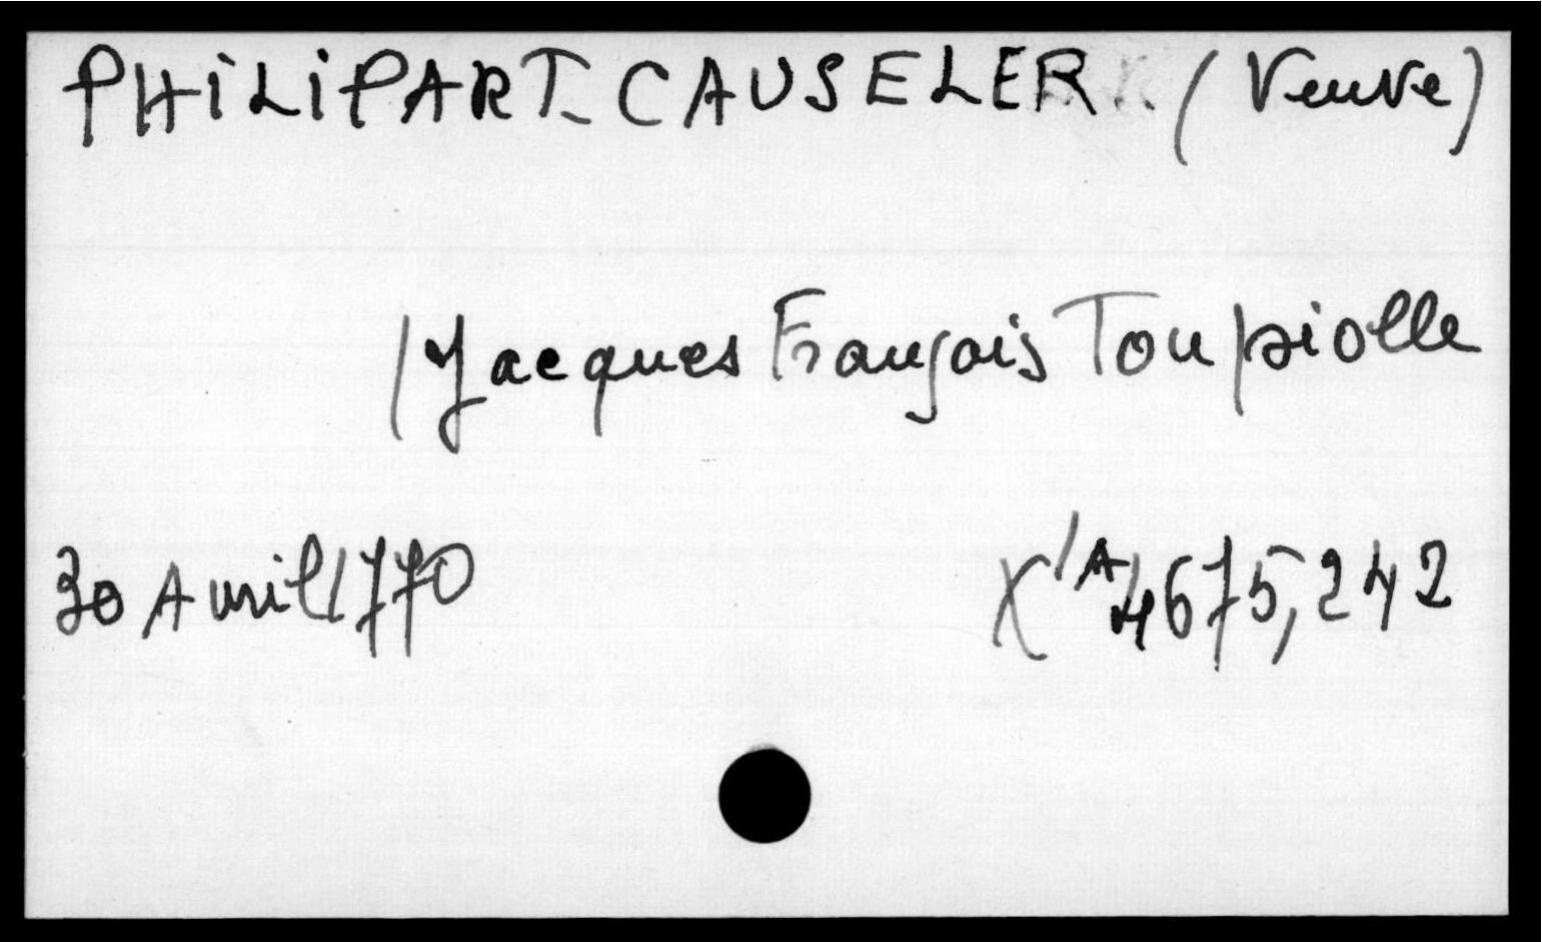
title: PHILIPART-CAUSELER (Veuve)
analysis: Contre Jacques François Toupiolle
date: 30 avril 1770
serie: X1A
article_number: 4675
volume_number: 242
